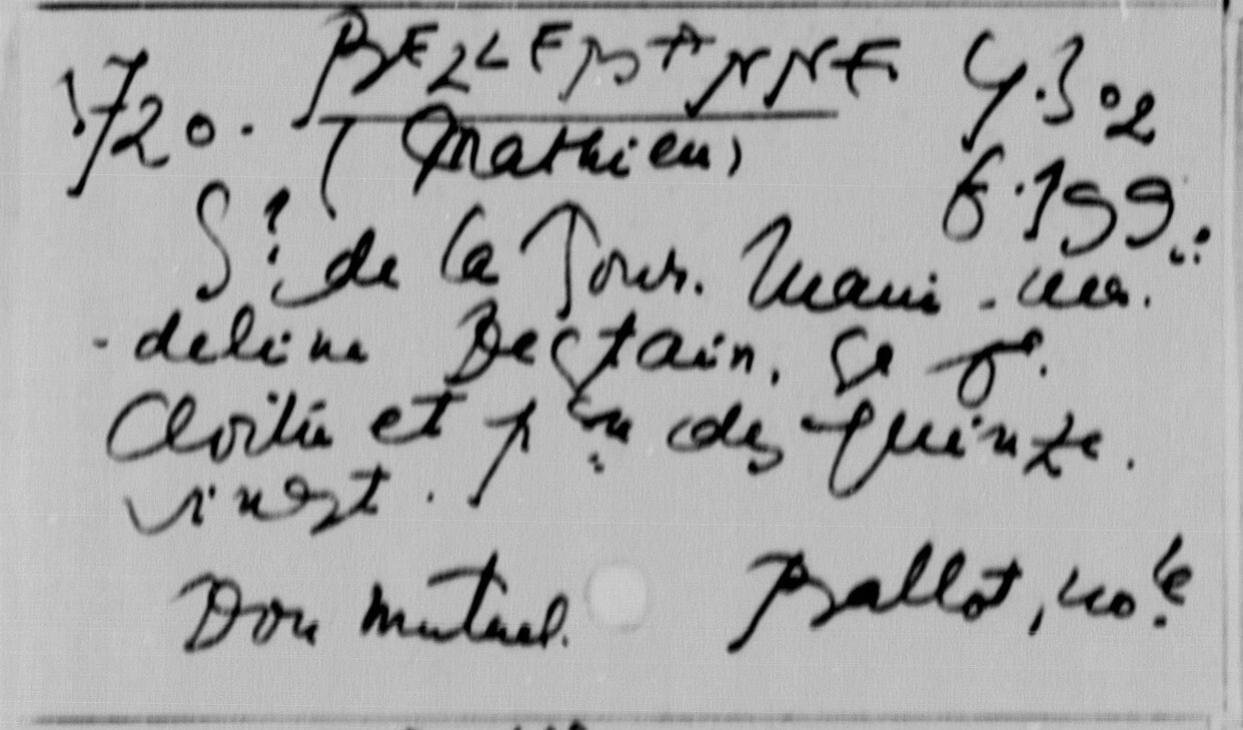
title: BELLEMANNE (Mathieu)
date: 1720
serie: Y
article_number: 302
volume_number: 199v
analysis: Seigneur de la Tour. Marie-Mergeline DESTAIN, sa femme. Cloitre et paroisse des Quinze vingt. Don mutuel. Ballot, notaire.
